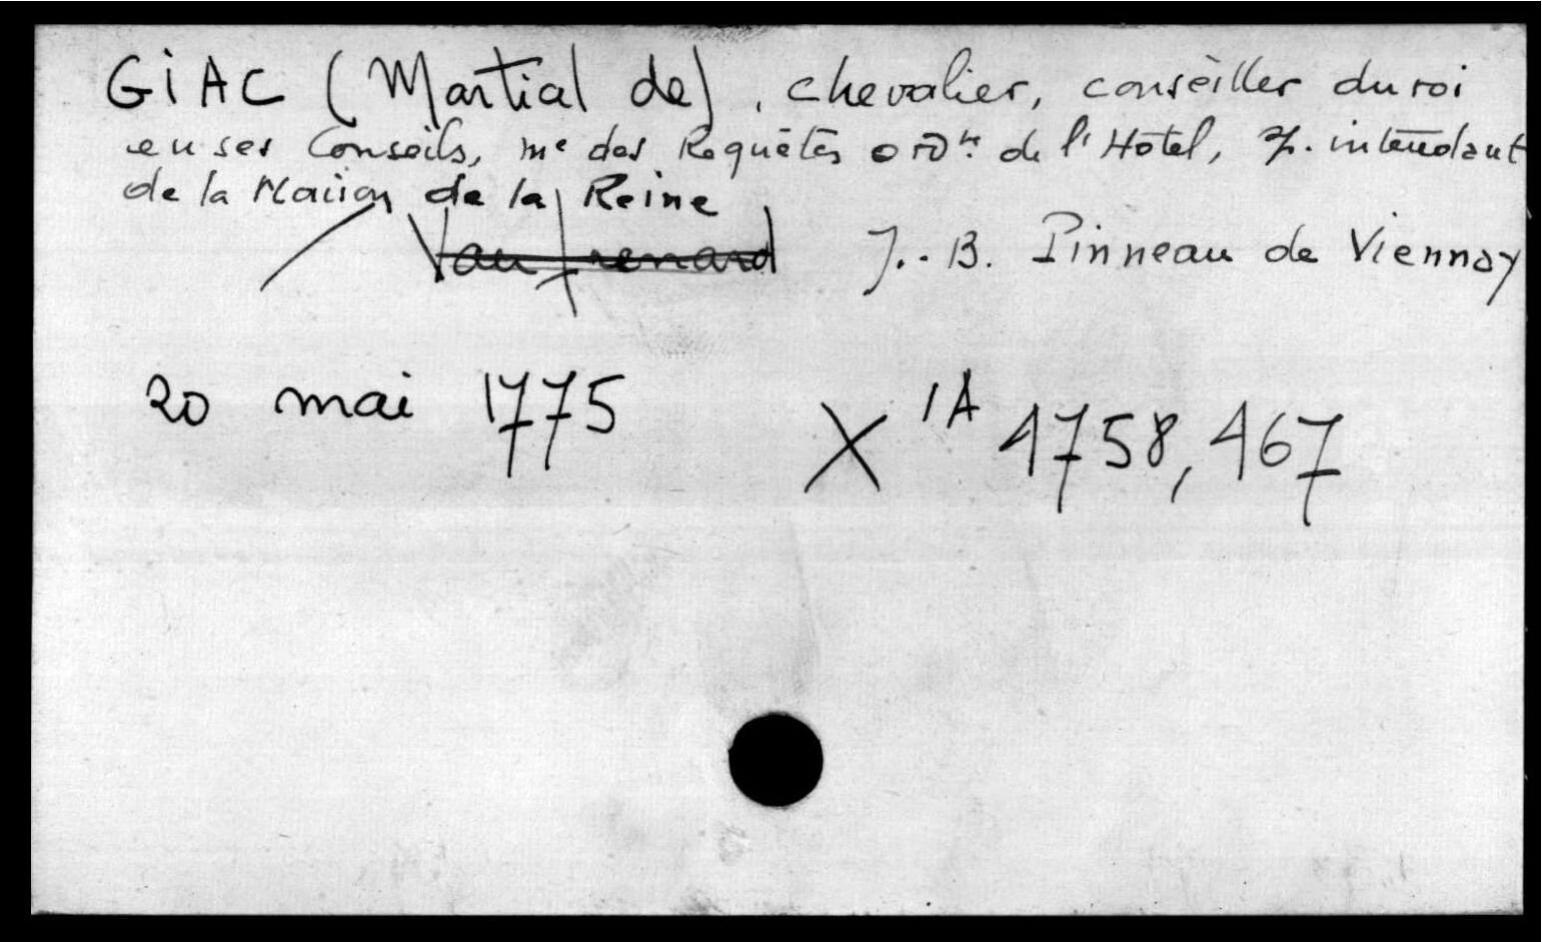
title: GIAC (Martial de), chevalier, conseiller du roi en ses conseils, maître des Requêtes ordinaire de l'Hôtel, sous intendant de la Maison de la Reine
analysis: Contre Jean-Baptiste Pinneau de Viennoy
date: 20 mai 1775
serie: X1A
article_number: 4758
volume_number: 467
